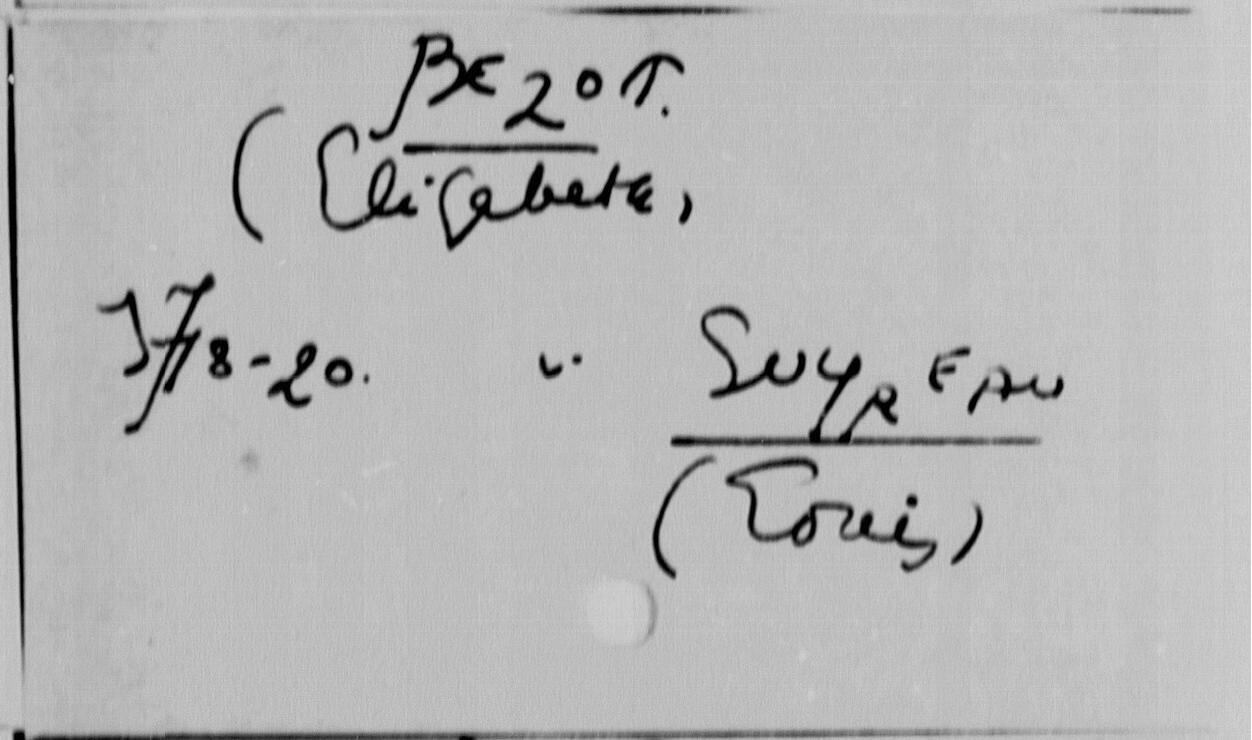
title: BEZOT (Elisabeth)
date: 1718-1720
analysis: Voir SUYREAU (Louis)
